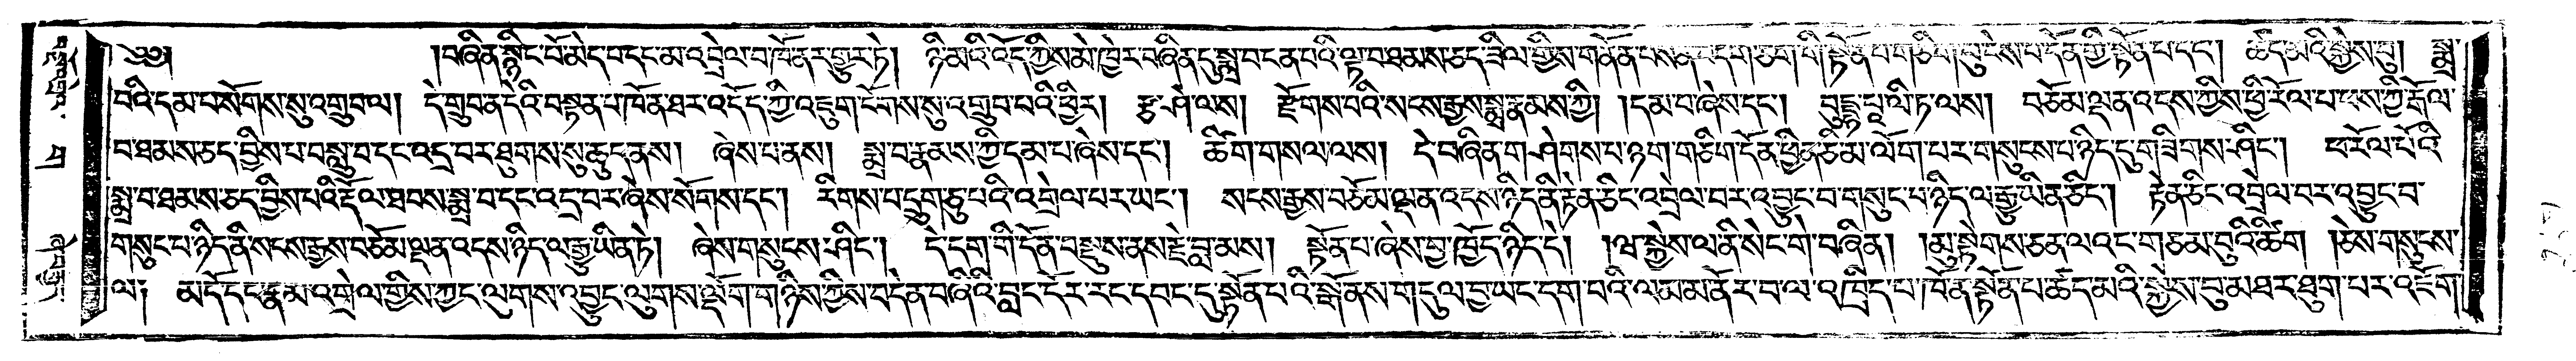༄༅། །བཞིན་སྙིང་པོ་མེད་པ་དང་མ་འབྲེལ་བ་ཁོ་ནར་གྱུར་ཏེ། ཉི་མའི་འོད་ཀྱིས་མི་ཁྱེར་བཞིན་དུ་སྨྲ་བ་ངན་པའི་ལྟ་བ་ཐམས་ཅད་ཟིལ་གྱིས་གནོན་པས་ན་བདག་ཅག་གི་རྟེན་པ་གཅིག་པུངས་པ་དོན་གྱི་སྟོན་པ་དང་། ཚད་མའི་སྐྱེས་བུ། སྨྲ་
བའི་དམ་བ་སོགས་སུ་འགྲུབ་ལ། དེ་གྲུབ་ན་དེའི་བསྟན་པ་ཁོ་ནར་ཐར་འདོད་ཀྱི་འཇུག་ངོགས་སུ་འགྲུབ་པའི་ཕྱིར། རྩ་ཤེ་ལས། རྫོགས་པའི་སངས་རྒྱས་སྐྱ་རྣམས་ཀྱི། །དམ་པ་ཞེས་དང་། བུདྡྷ་པཱ་ལི་ཏ་ལས། བཅོམ་ལྡན་འདས་ཀྱིས་ཕྱི་རོལ་པ་བས་ཀྱི་རྒོལ་
བ་ཐམས་ཅད་ཀྱིས་པ་བསླུ་བ་དང་འདྲ་བར་ཐུགས་སུ་ཆུད་ནས། ཞེས་པ་ནས། སྨྲ་བ་རྣམས་ཀྱི་དམ་པ་ཞེས་དང་། ཚིག་གསལ་ལས། དེ་བཞིན་གཤེགས་པ་ཉག་གཅིག་དོན་ཕྱིན་ཅི་མ་ལོག་པར་གསུངས་པ་ཉིད་དུ་གཟིགས་ཤིང་། ཕ་རོལ་པོའི་
སྨྲ་བ་ཐམས་ཅད་བྱིས་པའི་རྡོལ་ཐབས་སྨྲ་བ་དང་འདྲ་བར་ཞེས་སོགས་དང་། རིགས་པ་དྲུག་ཅུ་པའི་འབྲེལ་པར་ཡང་། སངས་རྒྱས་བཅོམ་ལྡན་འདས་ཉིད་ནི་རྟེན་ཅིང་འབྲེལ་བར་འབྱུང་བ་གསུང་པ་ཉིད་ལ་རྒྱུ་ཡིན་ཅིང་། རྟེན་ཅིང་འབྲེལ་བར་འབྱུང་བ་
གསུང་པ་ཉིད་ནི་སངས་རྒྱས་བཅོམ་ལྡན་འདས་ཉིད་ལ་རྒྱུ་ཡིན་ཏེ། ཞེས་གསུངས་ཤིང་། དེ་དག་གི་དོན་བསྡུས་ནས་རྗེ་བླ་མས། སྟོན་པ་ཞེས་བྱ་ཁྱོད་ཉིད་དེ། །ཝ་སྐྱེས་ལ་ནི་སེང་གེ་བཞིན། །མུ་སྟེགས་ཅན་ལའང་གཅམ་བུའི་ཚིག །ཅེས་གསུངས་
ལ༑ མདོ་དང་རྣམ་འགྲེལ་གྱིས་ཀྱང་ལུགས་འབྱུང་ལུགས་ལྡོག་གཉིས་ཀྱིས་བདེན་བཞིའི་བླང་དོར་རང་དབང་དུ་སྟོན་པའི་སྒོ་ནས་གདུལ་བྱ་ལ་བདག་པའི་ལམ་མ་ནོར་བར་ལ་འཁྲིད་པ་ཁོ་ན་སྟོན་པ་ཚད་མའི་སྐྱེས་བུ་མཐར་ཐུག་པར་འཇོག་